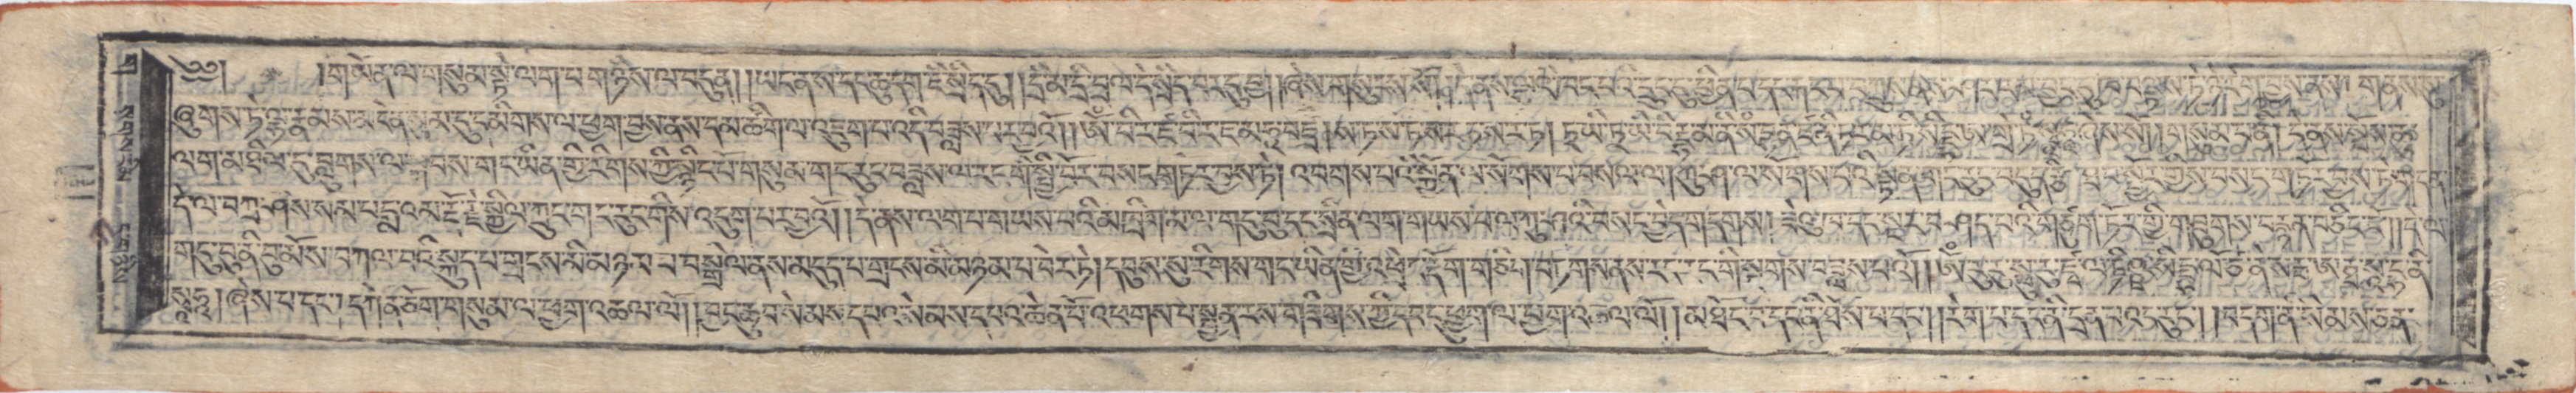༄༅། །གཡོན་ལ་གསུམ་སྟེ་ལག་པ་གཉིས་ལ་བདུན། །ཡང་ནས་དང་ཆུ་དག་ཇི་སྲིད་དུ། །དྲི་མ་དྲི་བྲལ་དེ་སྲིད་བར་དུ་བྱ། །ཞེས་གསུངས་སོ། །དེ་ནས་ལྷའི་ཁང་པའི་དྲུང་དུ་ཕྱིན་པ་དང་རྐང་པ་བཀྲུས་ནས་ཤར་རམ་བྱང་དུ་ཁ་བལྟས་ཏེ་ཉེ་རེག་བྱས་ནས། གནས་སུ་
ཞུགས་ཏེ་ལྷ་རྣམས་མངོན་སུམ་དུ་དམིགས་ལ་ཕྱག་བྱས་ནས་དམ་ཚིག་ལ་འཇུག་པ་འདི་བཟླས་པར་བྱའོ། །ཨོཾ་བི་ར་ཛ་བི་ར་ཛ་མྷཱ་བཛྲ། ས་ཏ་ས་ཏ་ས་ར་ཏ་ས་ར་ཏ། ཏྲ་ཡི་ཏྲ་ཡི་བི་རྡྷ་མ་ནི་སཾ་བྷན་ཛ་ནི་ཏ་ར་མ་ཏི་སི་དྡྷ་ཨ་གྲེ་ཏཾ་སྭཱཧཱ་ཞེས་སོ། །གསུམ་པ་ནི། དེ་ནས་སྤོས་ཆུ་
ལག་མཐིལ་དུ་བླུགས་ལ་སྐབས་གང་ཡིན་གྱི་རིགས་ཀྱི་སྙིང་པོ་གསུམ་གང་རུང་བཟླས་ལ་རང་གི་སྤྱི་བོར་བསང་གཏོར་བྱས་ཏེ། འབགས་པའི་སྐྱོན་ལ་སོགས་པ་བསལ་ལ། ཀུ་ཤ་ལ་སོགས་པའི་སྟན་གང་རུང་བདུད་རྩི་ཐབ་སྦྱོར་གྱིས་བསང་གཏོར་བྱས་ཏེ་གདན་
དེ་ལ་བཀྲ་ཤིས་སམ་པདམ་འམ་རྡོ་རྗེ་སྐྱིལ་ཀྲུང་གང་རུང་གིས་འདུག་པར་བྱའོ། །དེ་ནས་ལག་པ་གཡས་པའི་མཁྲིག་མ་ལ་གདུ་བུ་དང་སྲིན་ལག་གཡས་པ་ལ་ཀུ་ཤའི་བསང་བྱེད་གདགས། ཟེའུ་ཁ་དང་སྔར་བཤད་པའི་གཙུག་ཏོར་གྱི་གཟུགས་བརྙན་བཅིང་ངོ། །དེ་ལ་
གདུ་བུ་ནི་བུ་མོས་བཀལ་བའི་སྐུད་པ་གྲངས་མི་མཉམ་པ་བསྒྲིལ་ནས་མདུད་པ་གྲངས་མི་མཉམ་པ་བེར་ཏེ། དབུས་སུ་རིགས་གང་ཡིན་གྱི་འཕྲེང་རྡོག་གཅིག་བཏགས་ནས་རང་རང་གི་སྔགས་བཟླས་པའོ། །ཨོཾ་རུ་རུ་སྥུ་རུ་ཛྭ་ལ་ཏིཥཊཿཨ་སིདྡྷ་ལོ་ཙ་ནེ་སརྦ་ཨརྠ་སཱ་དྷ་ནི་
སྭཱཧཱ། ཞེས་པ་དང་། དཀོན་ཅོག་གསུམ་ལ་ཕྱག་འཚལ་ལོ། །བྱང་ཆུབ་སེམས་དཔའ་སེམས་དཔའ་ཆེན་པོ་འཕགས་པ་སྤྱན་རས་གཟིགས་ཀྱི་དབང་ཕྱུག་ལ་ཕྱག་འཚལ་ལོ། །མཐོང་བ་དང་ནི་ཐོས་པ་དང་། །རེག་པ་དང་ནི་དྲན་པའང་རུང་། །བདག་ནི་སེམས་ཅན་